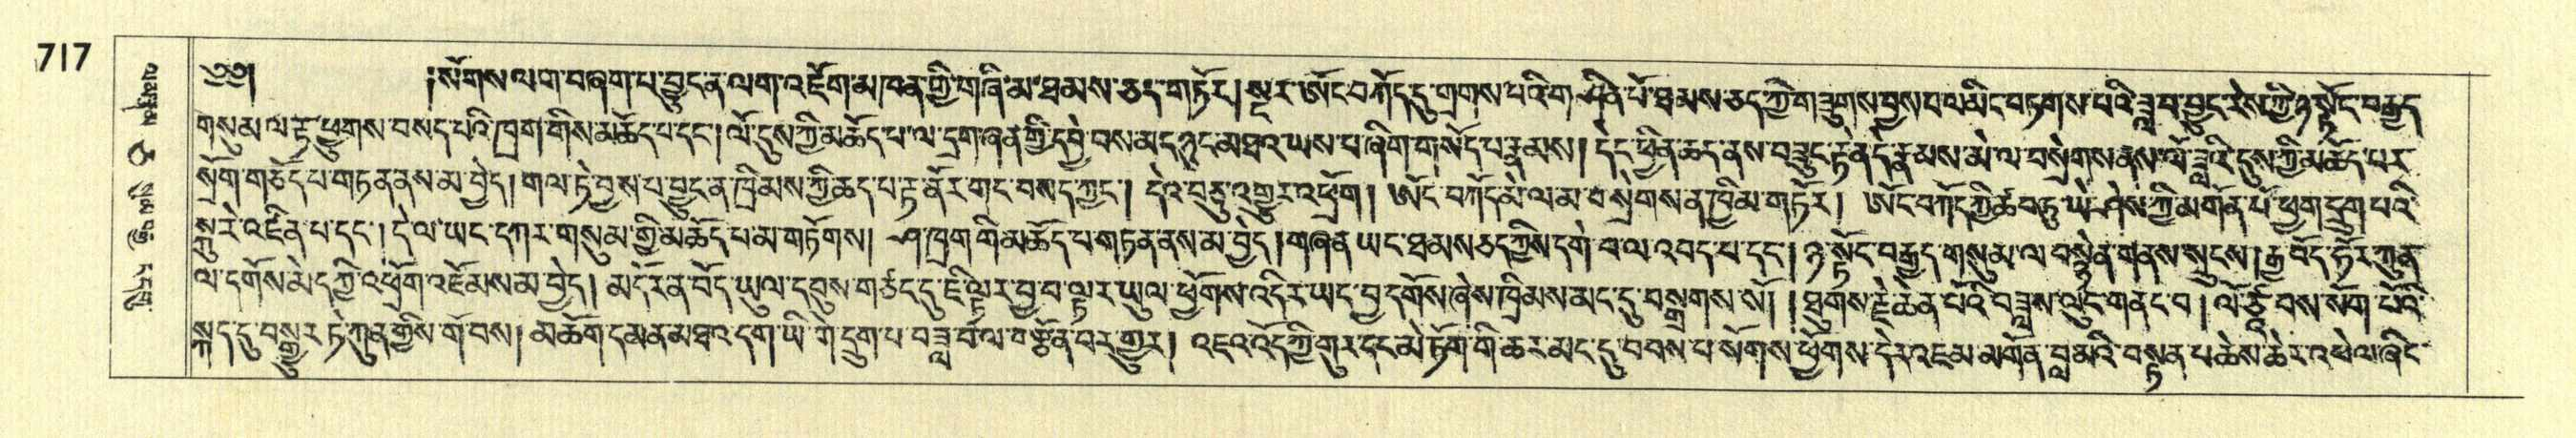༄༅། །སོགས་ལག་བཞག་པ་བྱུང་ན་ལག་འཇོག་མཁན་གྱི་གཞི་མ་ཐམས་ཅད་གཏོར། སྔར་ཨོང་བཀོད་དུ་གྲགས་པའི་གཤིན་པོ་ཐམས་ཅད་ཀྱི་གཟུགས་བྱས་པ་ལ་མིང་བཏགས་པའི་ཟླ་བ་བྱུང་རེས་ཀྱི་ཉ་སྟོང་བརྒྱད་
གསུམ་ལ་རྟ་ཕྱུགས་བསད་པའི་ཁྲག་གིས་མཆོད་པ་དང་། ལོ་དུས་ཀྱི་མཆོད་པ་ལ་དྲག་ཞན་གྱི་དབྱེ་བས་མང་ཉུང་མཐའ་ཡས་བ་ཞིག་གསོད་པ་རྣམས། དེང་ཕྱིན་ཆད་ནས་བཟུང་རྟེན་དེ་རྣམས་མེ་ལ་བསྲེགས་ནས་ལོ་ཟླའི་དུས་ཀྱི་མཆོད་པར་
སྲོག་གཅོད་པ་གཏན་ནས་མ་བྱེད། གལ་ཏེ་བྱས་པ་བྱུང་ན་ཁྲིམས་ཀྱི་ཆད་པ་རྟ་ནོར་གང་བསད་ཀྱང་། དེའི་བཅུ་འགྱུར་འཕྲོག། ཨོང་བཀོད་མེ་ལ་མ་བསྲེགས་ན་ཁྱིམ་གཏོར། ཨོང་བཀོད་ཀྱི་ཚབ་ཏུ་ཡེ་ཤེས་ཀྱི་མགོན་པོ་ཕྱག་དྲུག་པའི་
སྐུ་རེ་འཛིན་པ་དང་། དེ་ལ་ཡང་དཀར་གསུམ་གྱི་མཆོད་པ་མ་གཏོགས། ཤ་ཁྲག་གི་མཆོད་པ་གཏན་ནས་མ་བྱེད། གཞན་ཡང་ཐམས་ཅད་ཀྱིས་དགེ་བ་ལ་འབད་པ་དང་། ཉ་སྟོང་བརྒྱད་གསུམ་ལ་བསྙེན་གནས་སྲུངས། རྒྱ་བོད་ཧོར་ཀུན་
ལ་དགོས་མེད་ཀྱི་འཕྲོག་འཇོམས་མ་བྱེད། མདོར་ན་བོད་ཡུལ་དབུས་གཙང་དུ་ཇི་ལྟར་བྱ་བ་ལྟར་ཡུལ་ཕྱོགས་འདིར་ཡང་བྱ་དགོས་ཞེས་ཁྲིམས་མང་དུ་བསྒྲགས་སོ། །ཐུགས་རྗེ་ཆེན་པོའི་བཟླས་ལུང་གནང་བ། ལོ་ཙཱ་བས་སོག་པོའི་
སྐད་དུ་བསྒྱུར་ཏེ་ཀུན་གྱིས་གོ་བས། མཆོག་དམན་མཐའ་དག་ཡི་གེ་དྲུག་པ་བཟླ་བ་ལ་བརྩོན་བར་གྱུར། འཇའ་འོད་ཀྱི་གུར་དང་མེ་ཏོག་གི་ཆར་མང་དུ་བབས་པ་སོགས་ཕྱོགས་དེར་འཇམ་མགོན་བླ་མའི་བསྟན་པ་ཆེས་ཆེར་འཕེལ་ཞིང་